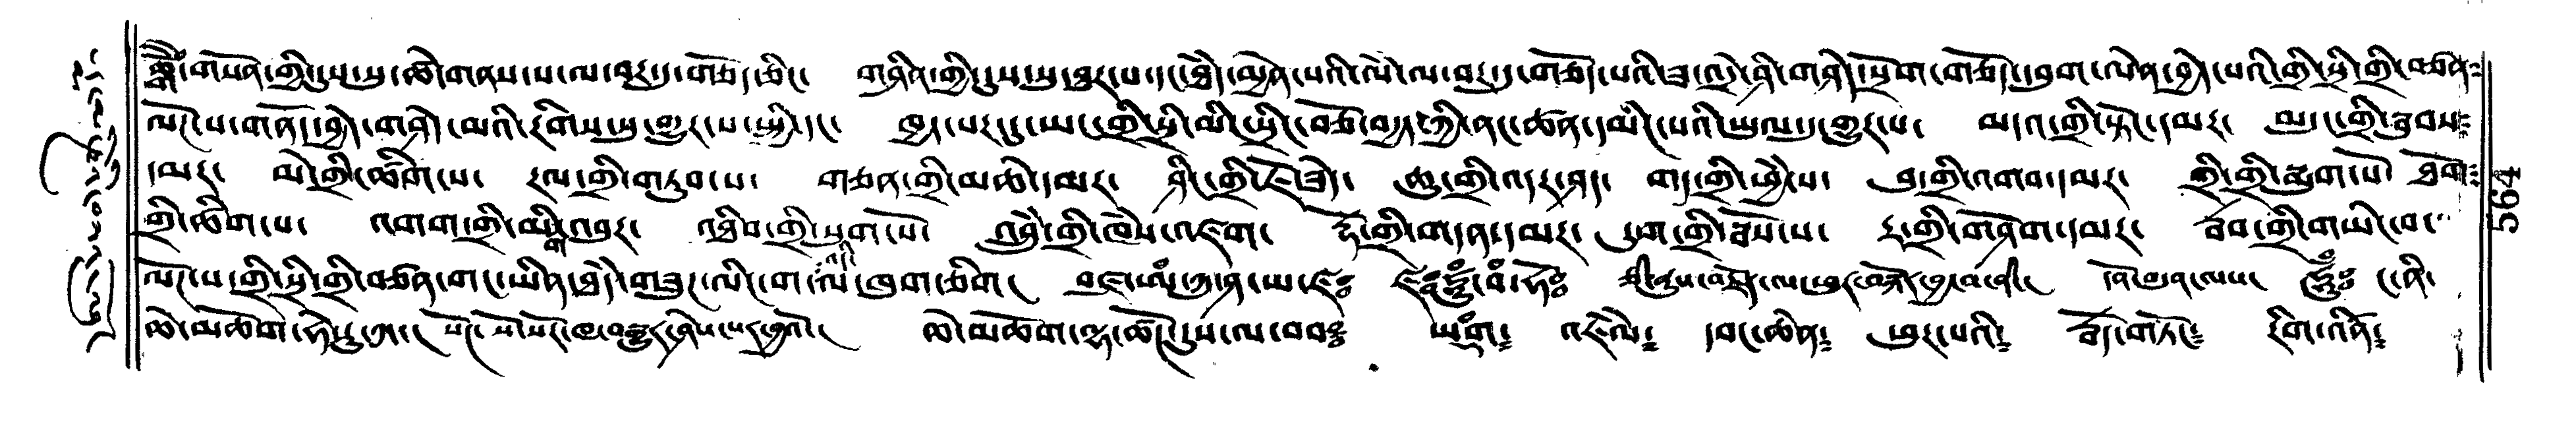ཆེ་གེ་མོ་གསོན་གྱི་དུས་སུ་ཚེ་གནས་པ་ལ་བར་དུ་གཅོད་ཅིང་། གཤིན་གྱི་དུས་སུ་ཐར་པ་དང་ཐམས་ཅད་མཁྱེན་པའི་ལམ་ལ་བར་དུ་གཅོད་པའི་ཟ་འདྲེ་ཤི་གཤེད་སྲོག་གཅོད་དབུགས་ལེན་བྱེད་པའི་གྲི་སྲི་གྲི་བཙན་
ལ་སོགས་པ་གནོད་བྱེད་གཤེད་མའི་རིགས་སུ་གྱུར་པ་སྤྱི་དང་། ཁྱད་པར་དུ་ཡང་གྲི་སྲི་མིང་སྲིང་བཅོ་བརྒྱད་ཀྱི་ནང་མཚན་དམིགས་པའི་ཡུལ་དུ་གྱུར་པ། མདའ་གྲི་སྟོང་དམར། མདུང་གྲི་སྦུབས་
དམར། མེ་གྲི་ཚིག་པ། རལ་གྲི་གཏུབ་པ། གཅན་གྲི་མཆེ་དམར། ཤིང་གྲི་ཇོ་ཟེད། ཆུ་གྲི་འདར་ཤད། གད་གྲི་ཕྱགས་པ། བུ་གྲི་འགབ་དམར། གྲི་གྲི་སྨུག་པོ།ཐོག་
གྲི་ཚིག་པ། འགག་གྲི་མིག་འབུར། འཐིབ་གྲི་སུག་པོ། འབྲུམ་གྲི་ཁམས་འཛག རྡོ་གྲི་གདན་དམར། དུག་གྲི་སྦོས་པ། རྟ་གྲི་ཤོག་དམར། རྦ་གྲི་གཡེང་བ། 
ལ་སོགས་པ་གྲི་སྲི་གྲི་བཙན་གང་ཡིན་ཐམས་ཅད་གཟུགས་ལིང་ག་འདི་ལ་ཁུག་ཅིག བཛྲ་ཨཾ་ཀུ་ཤ་ཡ་ཛཿ ཛཿཧཱུྃ་བཾ་ཧོཿ ཅི་ནུས་བརྗོད་ལ་ཕུར་བསྐོར་བྱ་བ་ནི། དོན་འདུན་ལས། ཧཱུྃཿ ང་ནི་
ཆེ་མཆོག་ཧེ་རུ་ཀཿ སོགས་སོ་སོར་ཁ་བསྒྱུར་ཤེས་པར་བྱའོ། ཆེ་མཆོག་ལྷ་ཚོགས་དུས་ལ་བབ༔ ཡང་དག༴ འཇམ་དཔལ༴ དབང་ཆེན༴ ཕུར་པའི༴ རྦོད་གཏོང༴ རིག་འཛིན༴ ༼